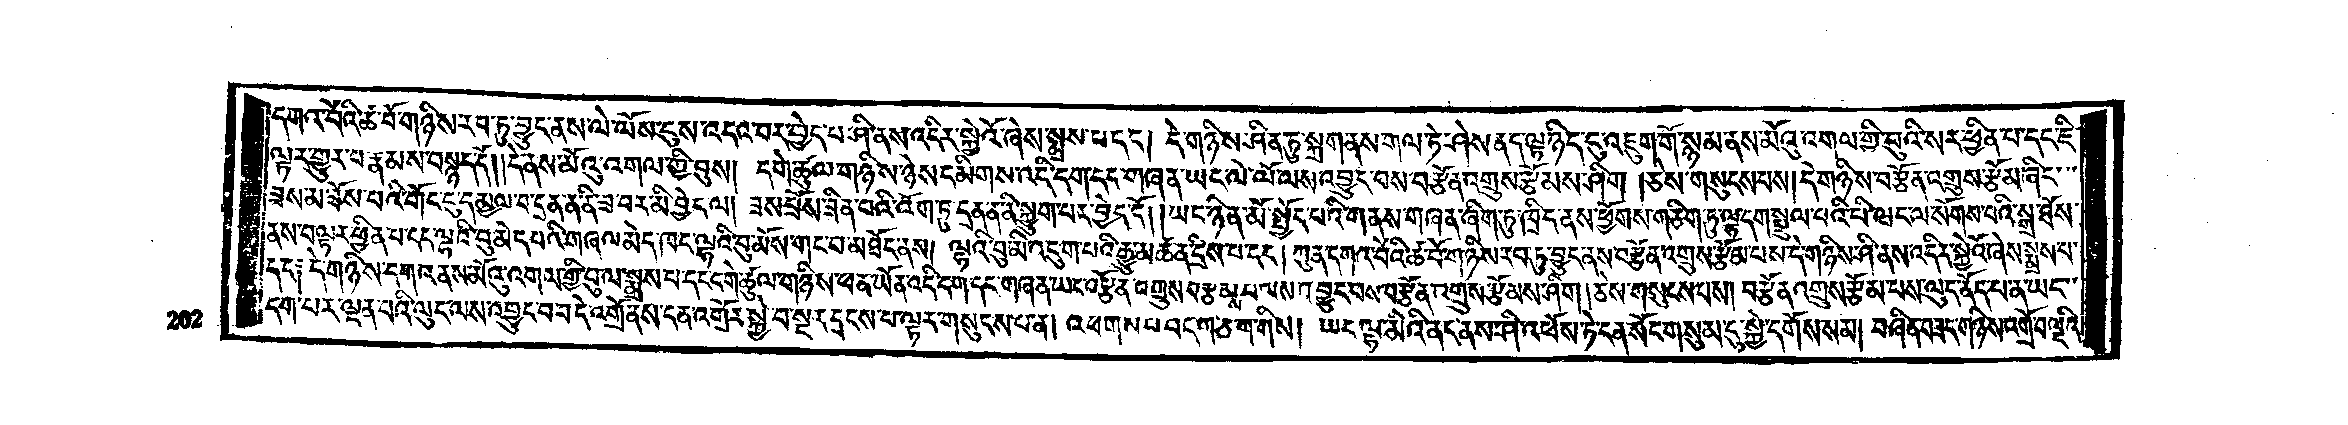དགའ་བོའི་ཚ་བོ་གཉིས་རབ་ཏུ་བྱུང་ནས་ལེ་ལོས་དུས་འདའ་བར་བྱེད་པ་ཤི་ནས་འདིར་སྐྱེའོ་ཞེས་སྨྲས་པ་དང་། དེ་གཉིས་ཤིན་ཏུ་སྐྲག་ནས་གལ་ཏེ་ཤེས་ན་ད་ལྟ་ཉིད་དུ་འཇུག་གོ་སྙམ་ནས་མོའུ་འགལ་གྱི་བུའི་སར་ཕྱིན་པ་དང་ཇི་
ལྟར་གྱུར་པ་རྣམས་བསྙད་དོ། །དེ་ནས་མོའུ་འགལ་གྱི་བུས། དགེ་ཚུལ་གཉིས་ཉེས་དམིགས་འདི་དག་དང་གཞན་ཡང་ལེ་ལོ་ལས་འབྱུང་བས་བརྩོན་འགྲུས་རྩོམས་ཤིག །ཅེས་གསུངས་པས། དེ་གཉིས་བརྩོན་འགྲུས་རྩོམ་ཞིང་
ཟས་མ་ཟོས་པའི་གོང་དུ་དམྱལ་བ་དྲན་ན་ནི་ཟ་བར་མི་བྱེད་ལ། ཟས་ཟོས་ཟིན་པའི་འོག་ཏུ་དྲན་ན་ནི་སྐྱུག་པར་བྱེད་དོ། །ཡང་ཉིན་མོ་སྤྱོད་པའི་གནས་གཞན་ཞིག་ཏུ་ཁྲིད་ནས་ཕྱོགས་གཅིག་ཏུ་ལྷ་དག་སྤྲུལ་པའི་པི་ཝང་ལ་སོགས་པའི་སྒྲ་ཐོས་
ནས་བལྟར་ཕྱིན་པ་དང་ལྷའི་བུ་མེད་པའི་གཞལ་མེད་ཁང་ལྷའི་བུ་མོས་གང་བ་མཐོང་ནས། ལྷའི་བུ་མི་འདུག་པའི་རྒྱུ་མཚན་དྲིས་པ་དང་། ཀུན་དགའ་བོའི་ཚ་བོ་གཉིས་རབ་ཏུ་བྱུང་ནས་བརྩོན་འགྲུས་རྩོམ་པས་དེ་གཉིས་ཤི་ནས་འདིར་སྐྱེའོ་ཞེས་སྨྲས་པ་
དང༑ དེ་གཉིས་དགའ་ནས་མོའུ་འགལ་གྱི་བུ་ལ་སྨྲས་པ་དང་དགེ་ཚུལ་གཉིས་ཕན་ཡོན་འདི་དག་དང་གཞན་ཡང་བརྩོན་འགྲུས་བརྩམས་པ་ལས་འབྱུང་བས་བརྩོན་འགྲུས་རྩོམས་ཤིག །ཅེས་གསུངས་པས། བརྩོན་འགྲུས་རྩོམ་པས། ལུང་ནོད་པ་ན་ཡང་
དག་པར་ལྡན་པའི་ལུང་ལས་འབྱུང་བ་བདེ་འགྲོ་ནས་ངན་འགྲོར་སྐྱེ་བ་སྔར་དྲངས་པ་ལྟར་གསུངས་པ་ན། འཕགས་པ་བདག་ཅག་གིས། ཡང་ལྷ་མིའི་ནང་ནས་ཤི་འཕོས་ཏེ་ངན་སོང་གསུམ་དུ་སྐྱེ་དགོས་སམ། བཞིན་བཟང་གཉིས་འགྲོ་བ་ལྔའི་